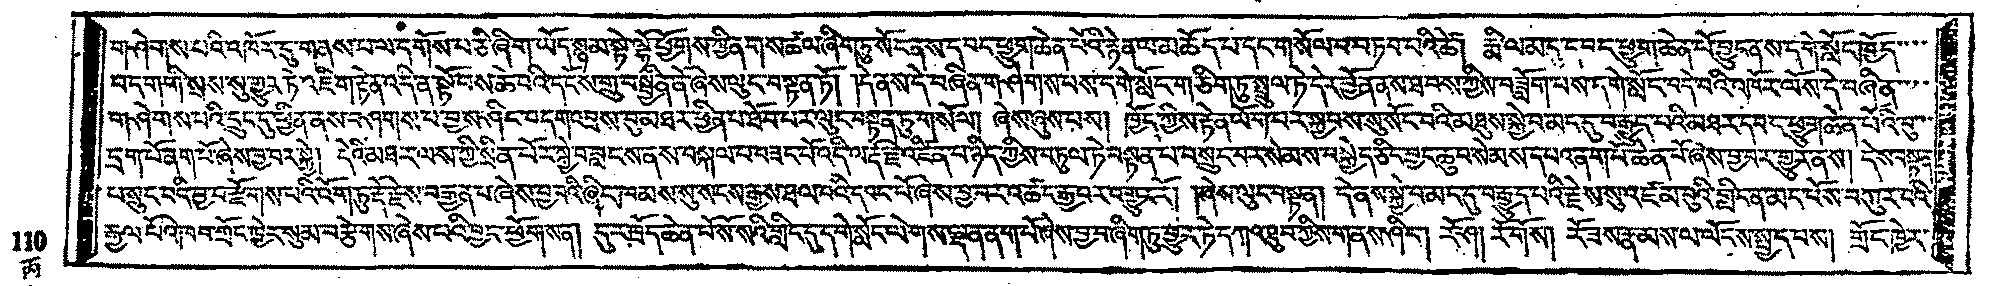གཤེགས་པའི་འཁོར་དུ་གནས་པ་ལ་དགོས་པ་ཅི་ཞིག་ཡོད་སྙམ་སྟེ་ལྷོ་ཕྱོགས་ཀྱི་ནགས་ཚལ་ཞིག་ཏུ་སོང་ནས་དབང་ཕྱུག་ཆེན་པོའི་རྟེན་ལ་མཆོད་པ་དང་གསོལ་བ་བཏབ་པའི་ཚེ། རྨི་ལམ་དུ་དབང་ཕྱུག་ཆེན་པོ་བྱུང་ནས་དགེ་སློང་ཁྱོད་
བདག་གི་སྲས་སུ་གྱུར་ཏེ་འཇིག་རྟེན་འདི་ན་སྟོབས་ཆེ་བའི་དངོས་གྲུབ་སྦྱིན་ནོ་ཞེས་ལུང་བསྟན་ཏོ། །དེ་ནས་དེ་བཞིན་གཤེགས་པས་དགེ་སློང་གཅིག་ཏུ་སྤྲུལ་ཏེ་དེར་བྱོན་ནས་ཐབས་ཀྱིས་བཟློག་པས་དགེ་སློང་བདེ་བའི་འཁོར་ལོས་དེ་བཞིན་
གཤེགས་པའི་དྲུང་དུ་ཕྱིན་ནས་བཤགས་པ་བྱས་ཤིང་བདག་འབྲས་བུ་མཐར་ཕྱིན་པ་ཐོབ་པར་ལུང་བསྟན་ཏུ་གསོལ། ཞེས་ཞུས་པས། ཁྱོད་ཀྱིས་རྟེན་ལོག་པར་སྐྱབས་སུ་སོང་བའི་མཐུས་སྐྱེ་བ་མང་དུ་བརྒྱུད་པའི་མཐར་དབང་ཕྱུག་ཆེན་པོའི་བུ་
དྲག་པོ་ནག་པོ་ཞེས་བྱ་བར་སྐྱེ། དེའི་མཐར་ལས་ཀྱི་སྲིན་པོར་སྐྱེ་བ་བླངས་ནས་བསྐལ་པ་བཟང་པོ་འདི་ལ་རྡོ་རྗེ་འཛིན་པ་ཉིད་ཀྱིས་བཏུལ་ཏེ་བསྟན་པ་བསྲུང་པར་སེམས་བསྐྱེད་ཅིང་བྱང་ཆུབ་སེམས་དཔའ་ནག་པོ་ཆེན་པོ་ཞེས་བྱ་བར་གྱུར་ནས། དེས་བསྟན་
པ་སྲུང་བའི་བྱ་བ་རྫོགས་པའི་འོག་ཏུ་རྡོ་རྗེས་བརྒྱན་པ་ཞེས་བྱ་བའི་ཞིང་ཁམས་སུ་སངས་རྒྱས་ཐལ་བའི་དབང་པོ་ཞེས་བྱ་བར་འཚང་རྒྱ་བར་འགྱུར་རོ། །ཞེས་ལུང་བསྟན། དེ་ནས་སྐྱེ་བ་མང་དུ་བརྒྱུད་པའི་རྗེས་སུ་འཛམ་བུའི་གླིང་ན་མང་པོས་བཀུར་བའི་
རྒྱལ་པོའི་ཁབ་གྲོང་ཁྱེར་སུམ་བརྩེགས་ཞེས་པའི་བྱང་ཕྱོགས་ན། དུར་ཁྲོད་ཆེན་པོ་སོ་སའི་གླིང་དུ་དགེ་སློང་ལེགས་ལྡན་ནག་པོ་ཞེས་བྱ་བ་ཞིག་ཏུ་གྱུར་ཏེ་དཀའ་ཐུབ་ཀྱིས་གནས་ཤིང་། རོ་ཤ། རོ་གོས། རོ་ཟས་རྣམས་ལ་ལོངས་སྤྱད་པས། གྲོང་ཁྱེར་